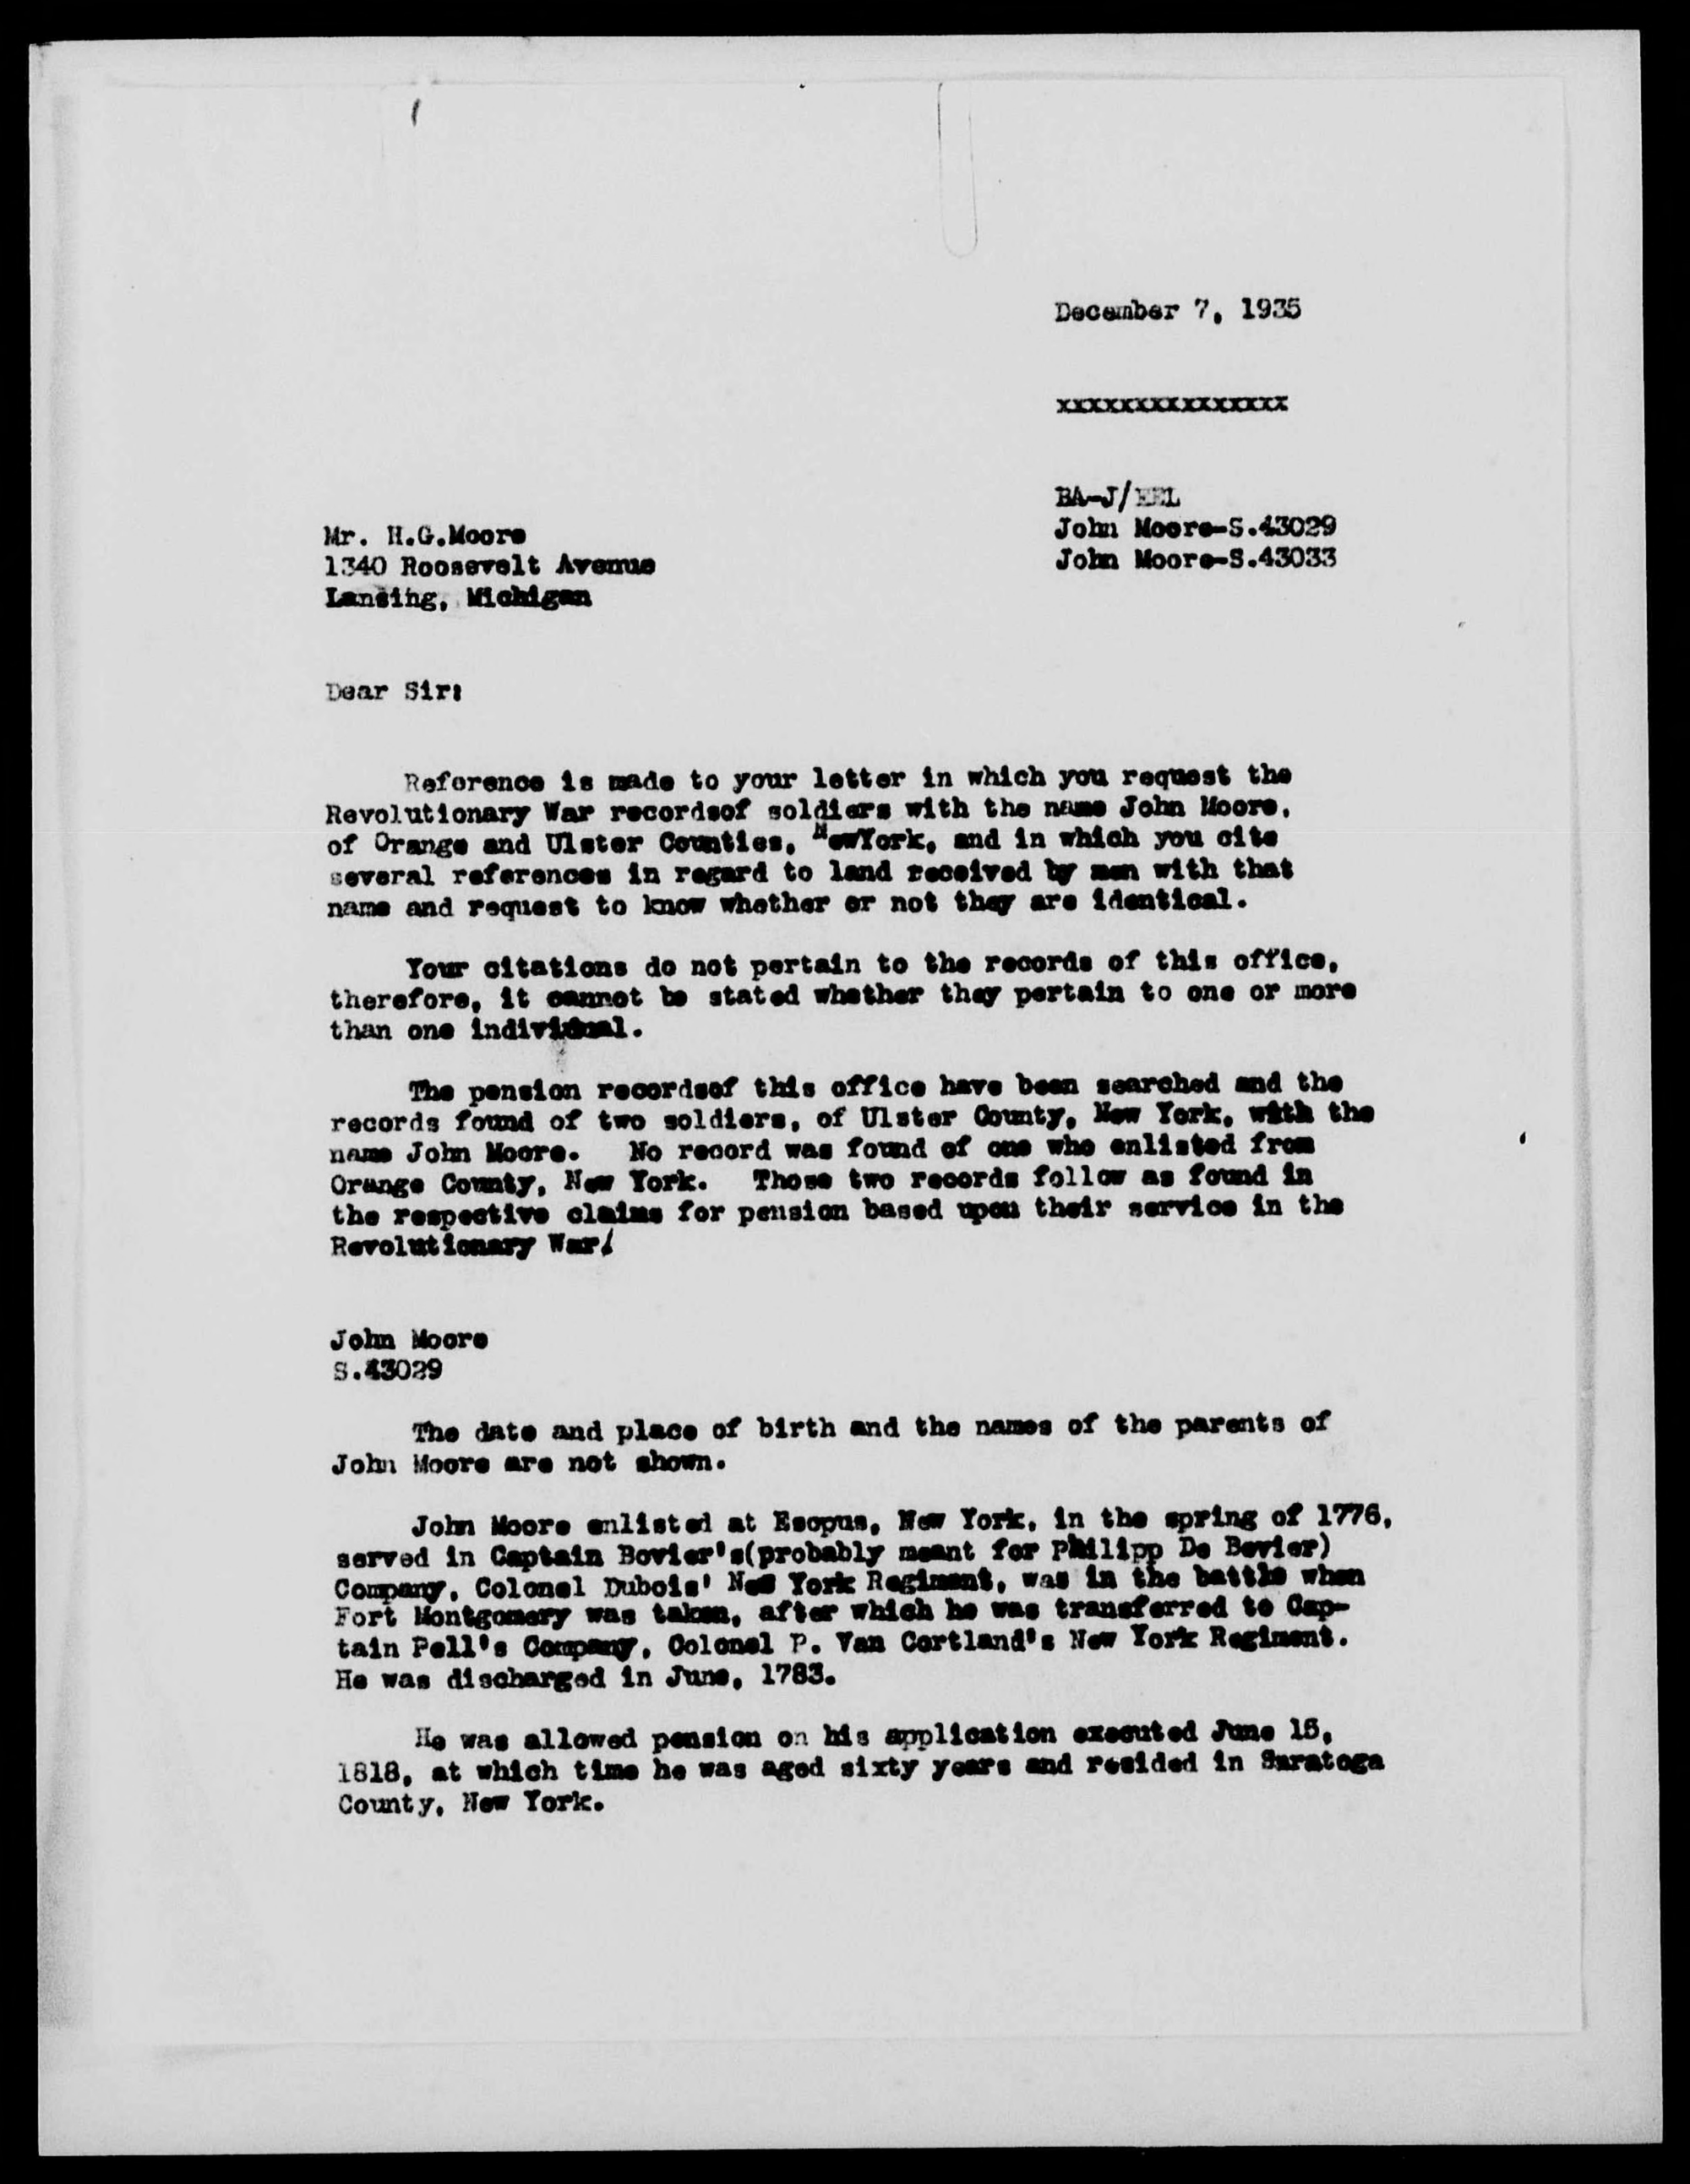December 7, 1935 
XXXXXXXXXXXXXXX 
BA-J/EEL 
John Moore-S.43029 
John Moore-S.43033 
Mr. H. G. Moore 
1340 Roosevelt Avenue 
Lansing, Michigan 
Dear Sir: 
Reference is made to your letter in which you request the Revolutionary War records of soldiers with the name John Moore, of Orange and Ulster Counties, New York, and in which you cite several references in regard to land received by men with that name and request to know whether or not they are identical. 
Your citations do not pertain to the records of this office, therefore, it cannot be stated whether they pertain to one or more than one individual. 
The pension records of this office have been searched and the records found of two soldiers, of Ulster County, New York, with the name John Moore. No record was found of one who enlisted from Orange County, New York. Those two records follow as found in the respective claims for pension based upon their service in the Revolutionary War.
John Moore 
S. 43029 
The date and place of birth and the names of the parents of John Moore are not shown. 
John Moore enlisted at Esopus, New York, in the spring of 1776, served in Captain Bevier's (probably meant for Philipp De Bevier) Company, Colonel Dubois' New York Regiment, was in the battle when Fort Montgomery was taken, after which he was transferred to Captain Pell's Company, Colonel P. Van Cortland's New York Regiment. He was discharged in June, 1783. 
He was allowed pension on his application executed June 15, 1818, at which time he was aged sixty years and resided in Saratoga County, New York.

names: Philipp De Bevier; H G Moore; John Moore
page: 10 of 15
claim: survivor's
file: S. 43029, for John Moore, New York